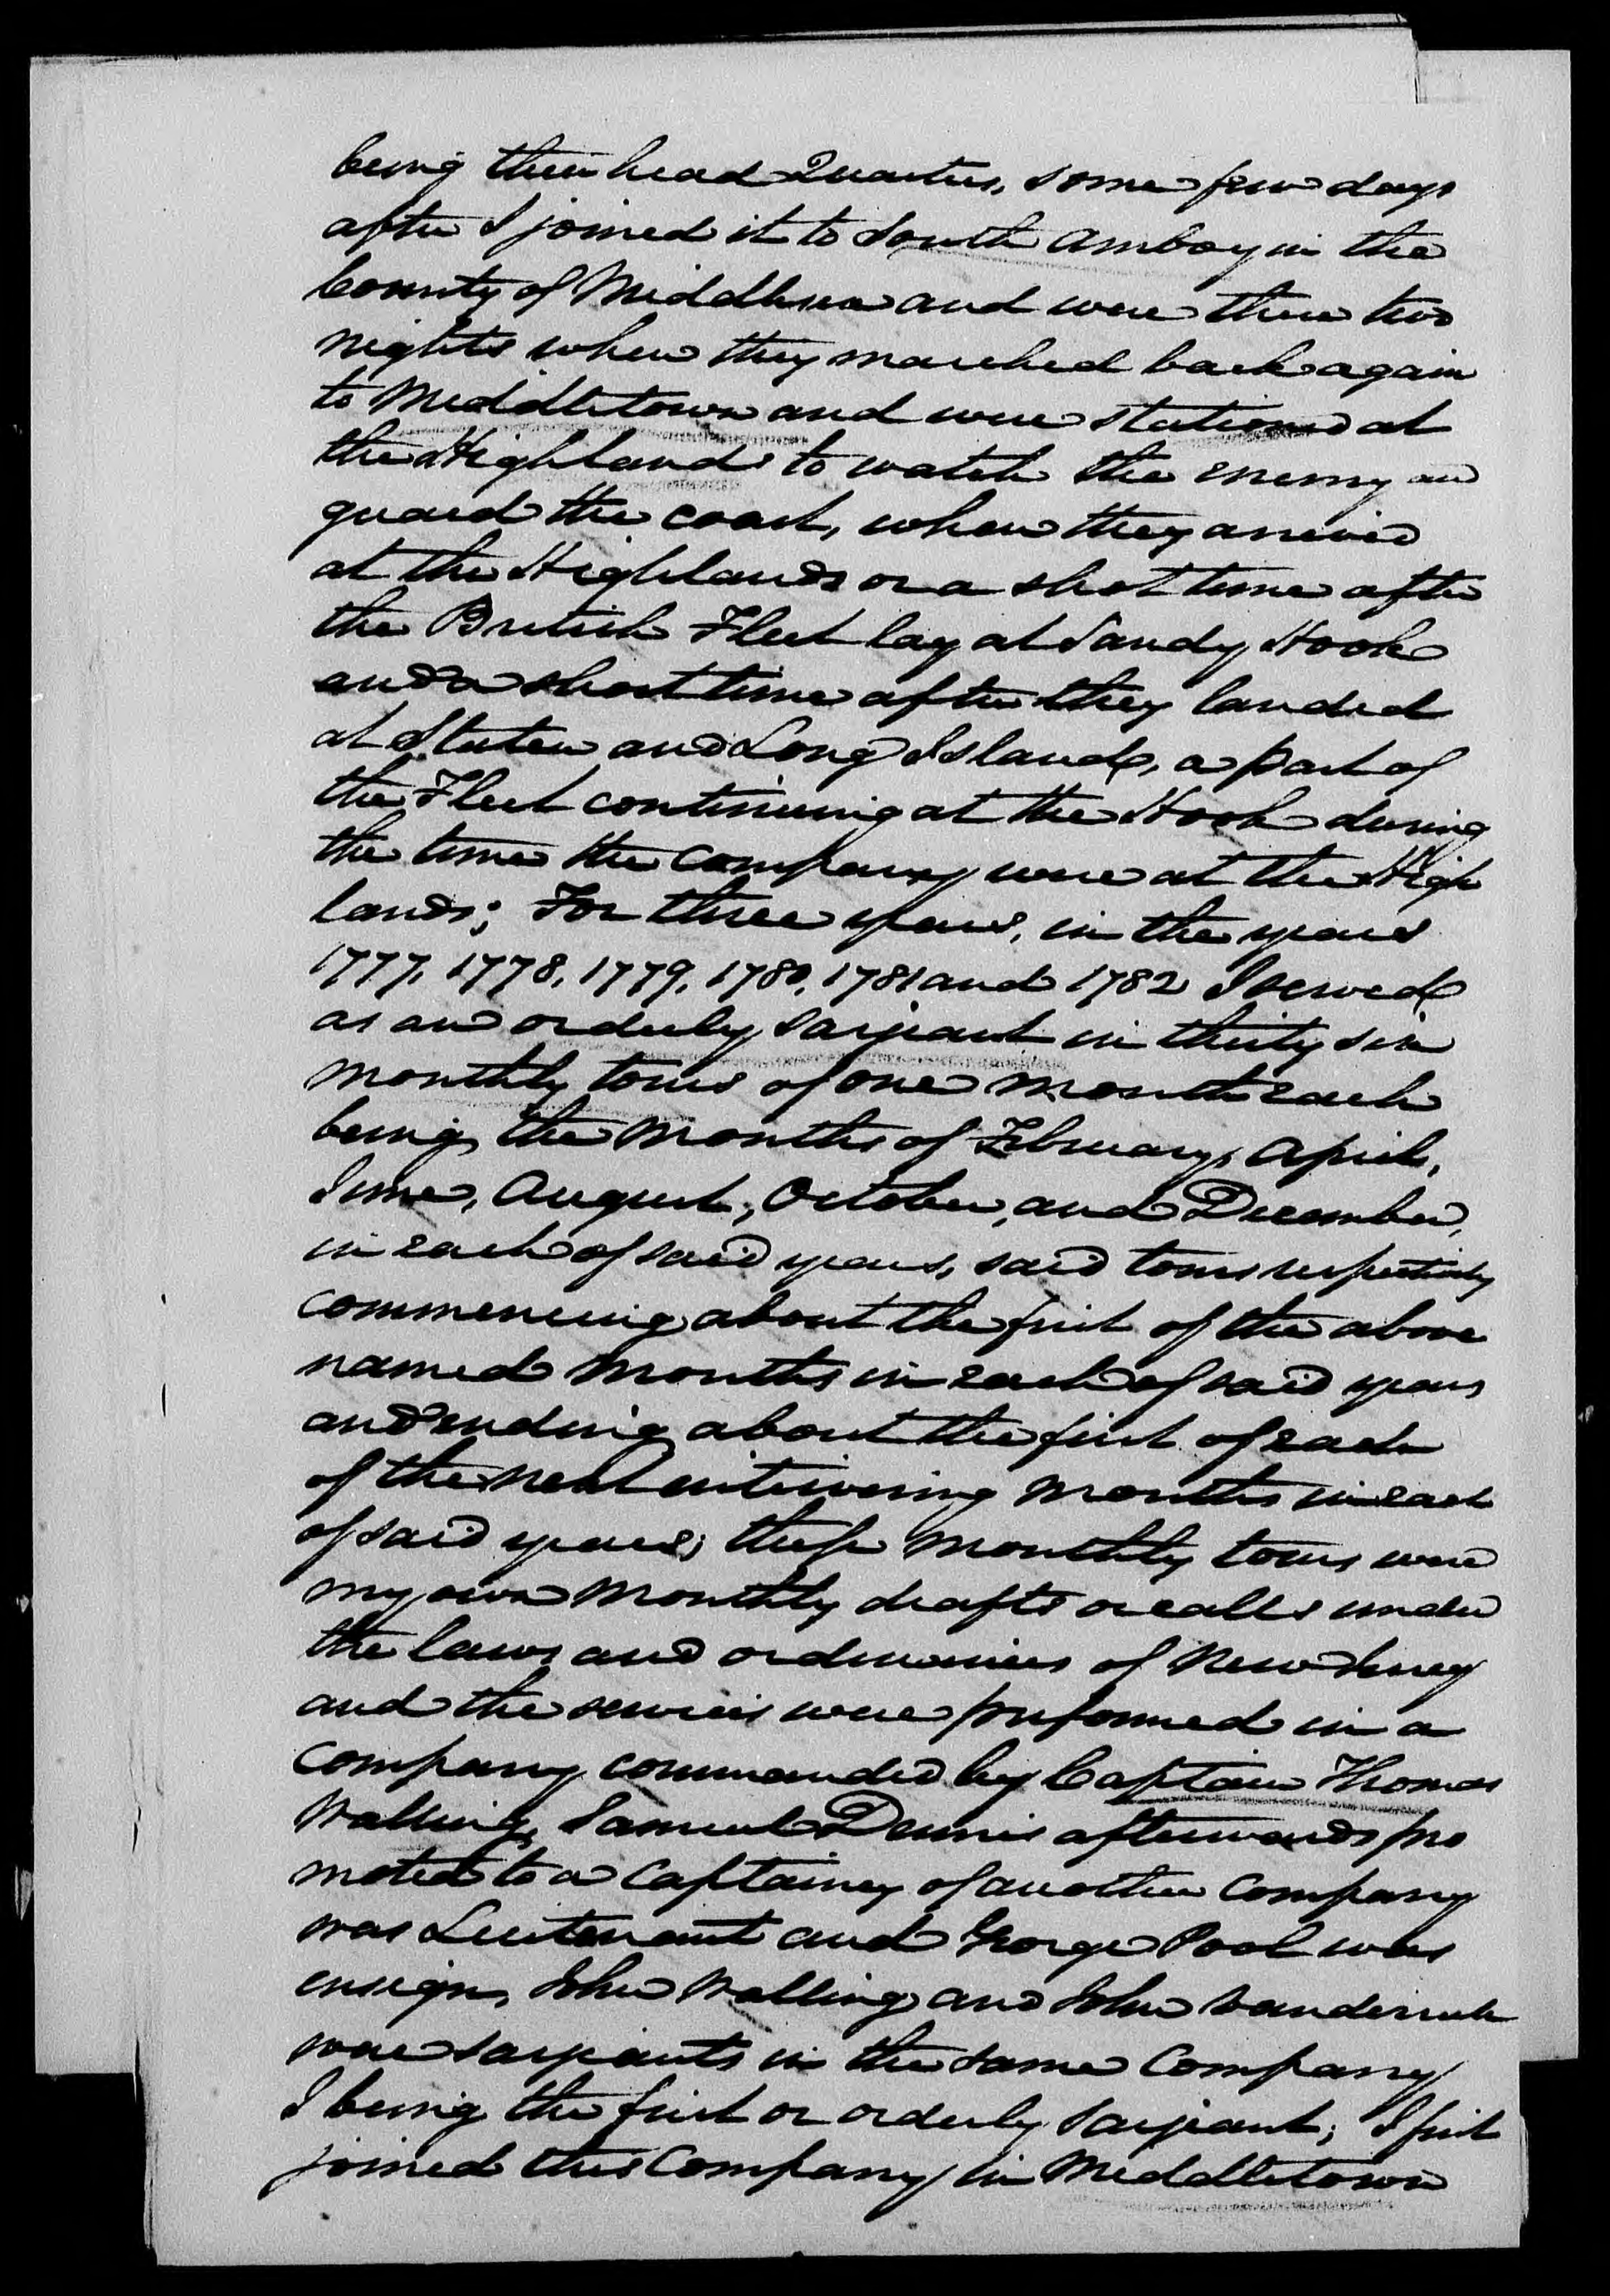being the head quarters, some few days
after joined it to South Amboy in the
County of Middlesex and were there two
nights when they marched back again
to Middletown and were stationed at
the Highlands to watch the enemy and
guard the coast, when they arrived
at the Highlands or a short time after
the British Fleet lay at Sandy Hook
and a short time after they landed
at Staten and Long Islands, a part of
the fleet continuing at the Hook during the
time the company were at the Highlands, for three years, in the years 1777, 1778, 1779, 1780, 1781 and 1782 I served as and orderly Sargeant in thirty six monthly tours of one month each being the month of February April,
June, August October, and December
in each of said years, said tours respectively 
commencing about the first of the above
named mouths in each of said years
and ending about the first of each
of the next intervening months in each
of said years the monthly tours were
my own monthly drafts or calls under the
laws and ordinances of New Jersey
and the services were performed in a
company commanded by Captain Thomas
Walling Samuel Dennis afterwards promoted to a captaincy of another company
was Lieutenant and George Pool was ensign John Walling and John Sanderson
were sargeants in the same Company
I being the first or orderly Sargeant, I first
joined this company in Middletown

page: 5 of 33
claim: survivor's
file: S. 925, for George Taylor, New Jersey